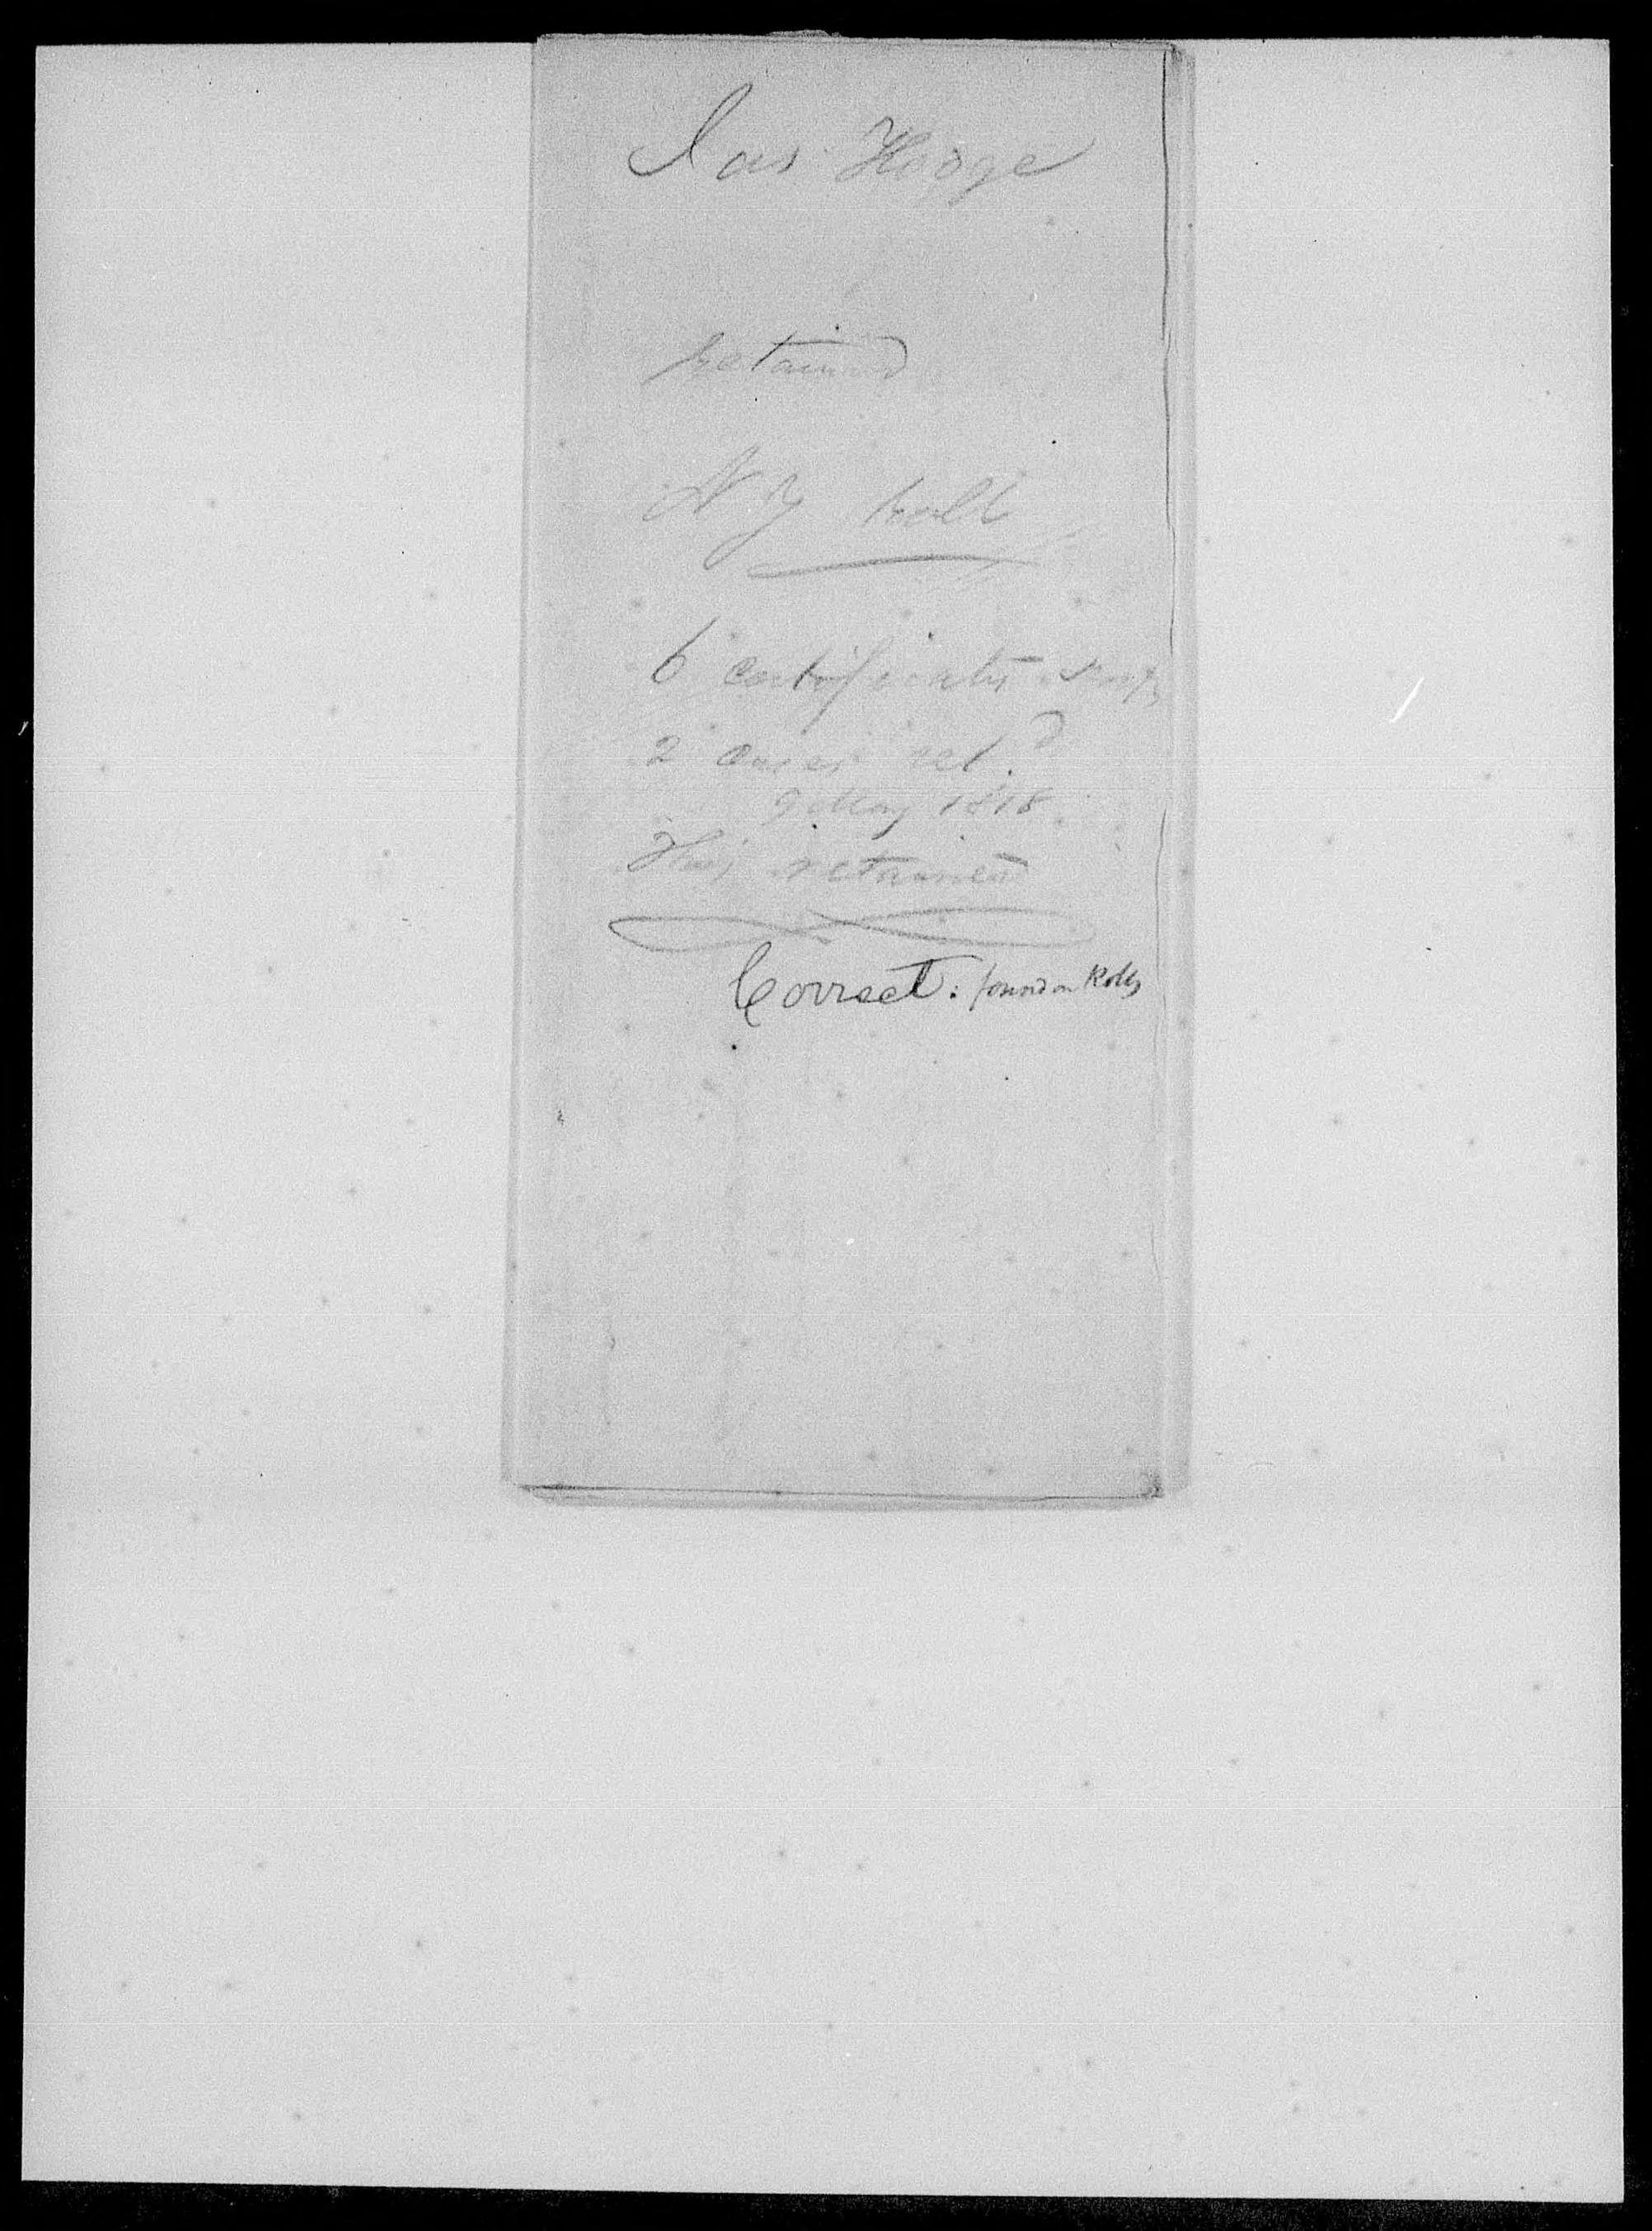retained
______________
 NY Ball (illegible)

I certificaty-(illegible)
2 Ouies ret. d (illegible)
    galley 1818.

Thus retained

Corrset: found on Rolly (illegible)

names: Jas Hodge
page: 27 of 48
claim: widow's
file: W. 10476, James Hodge, New York